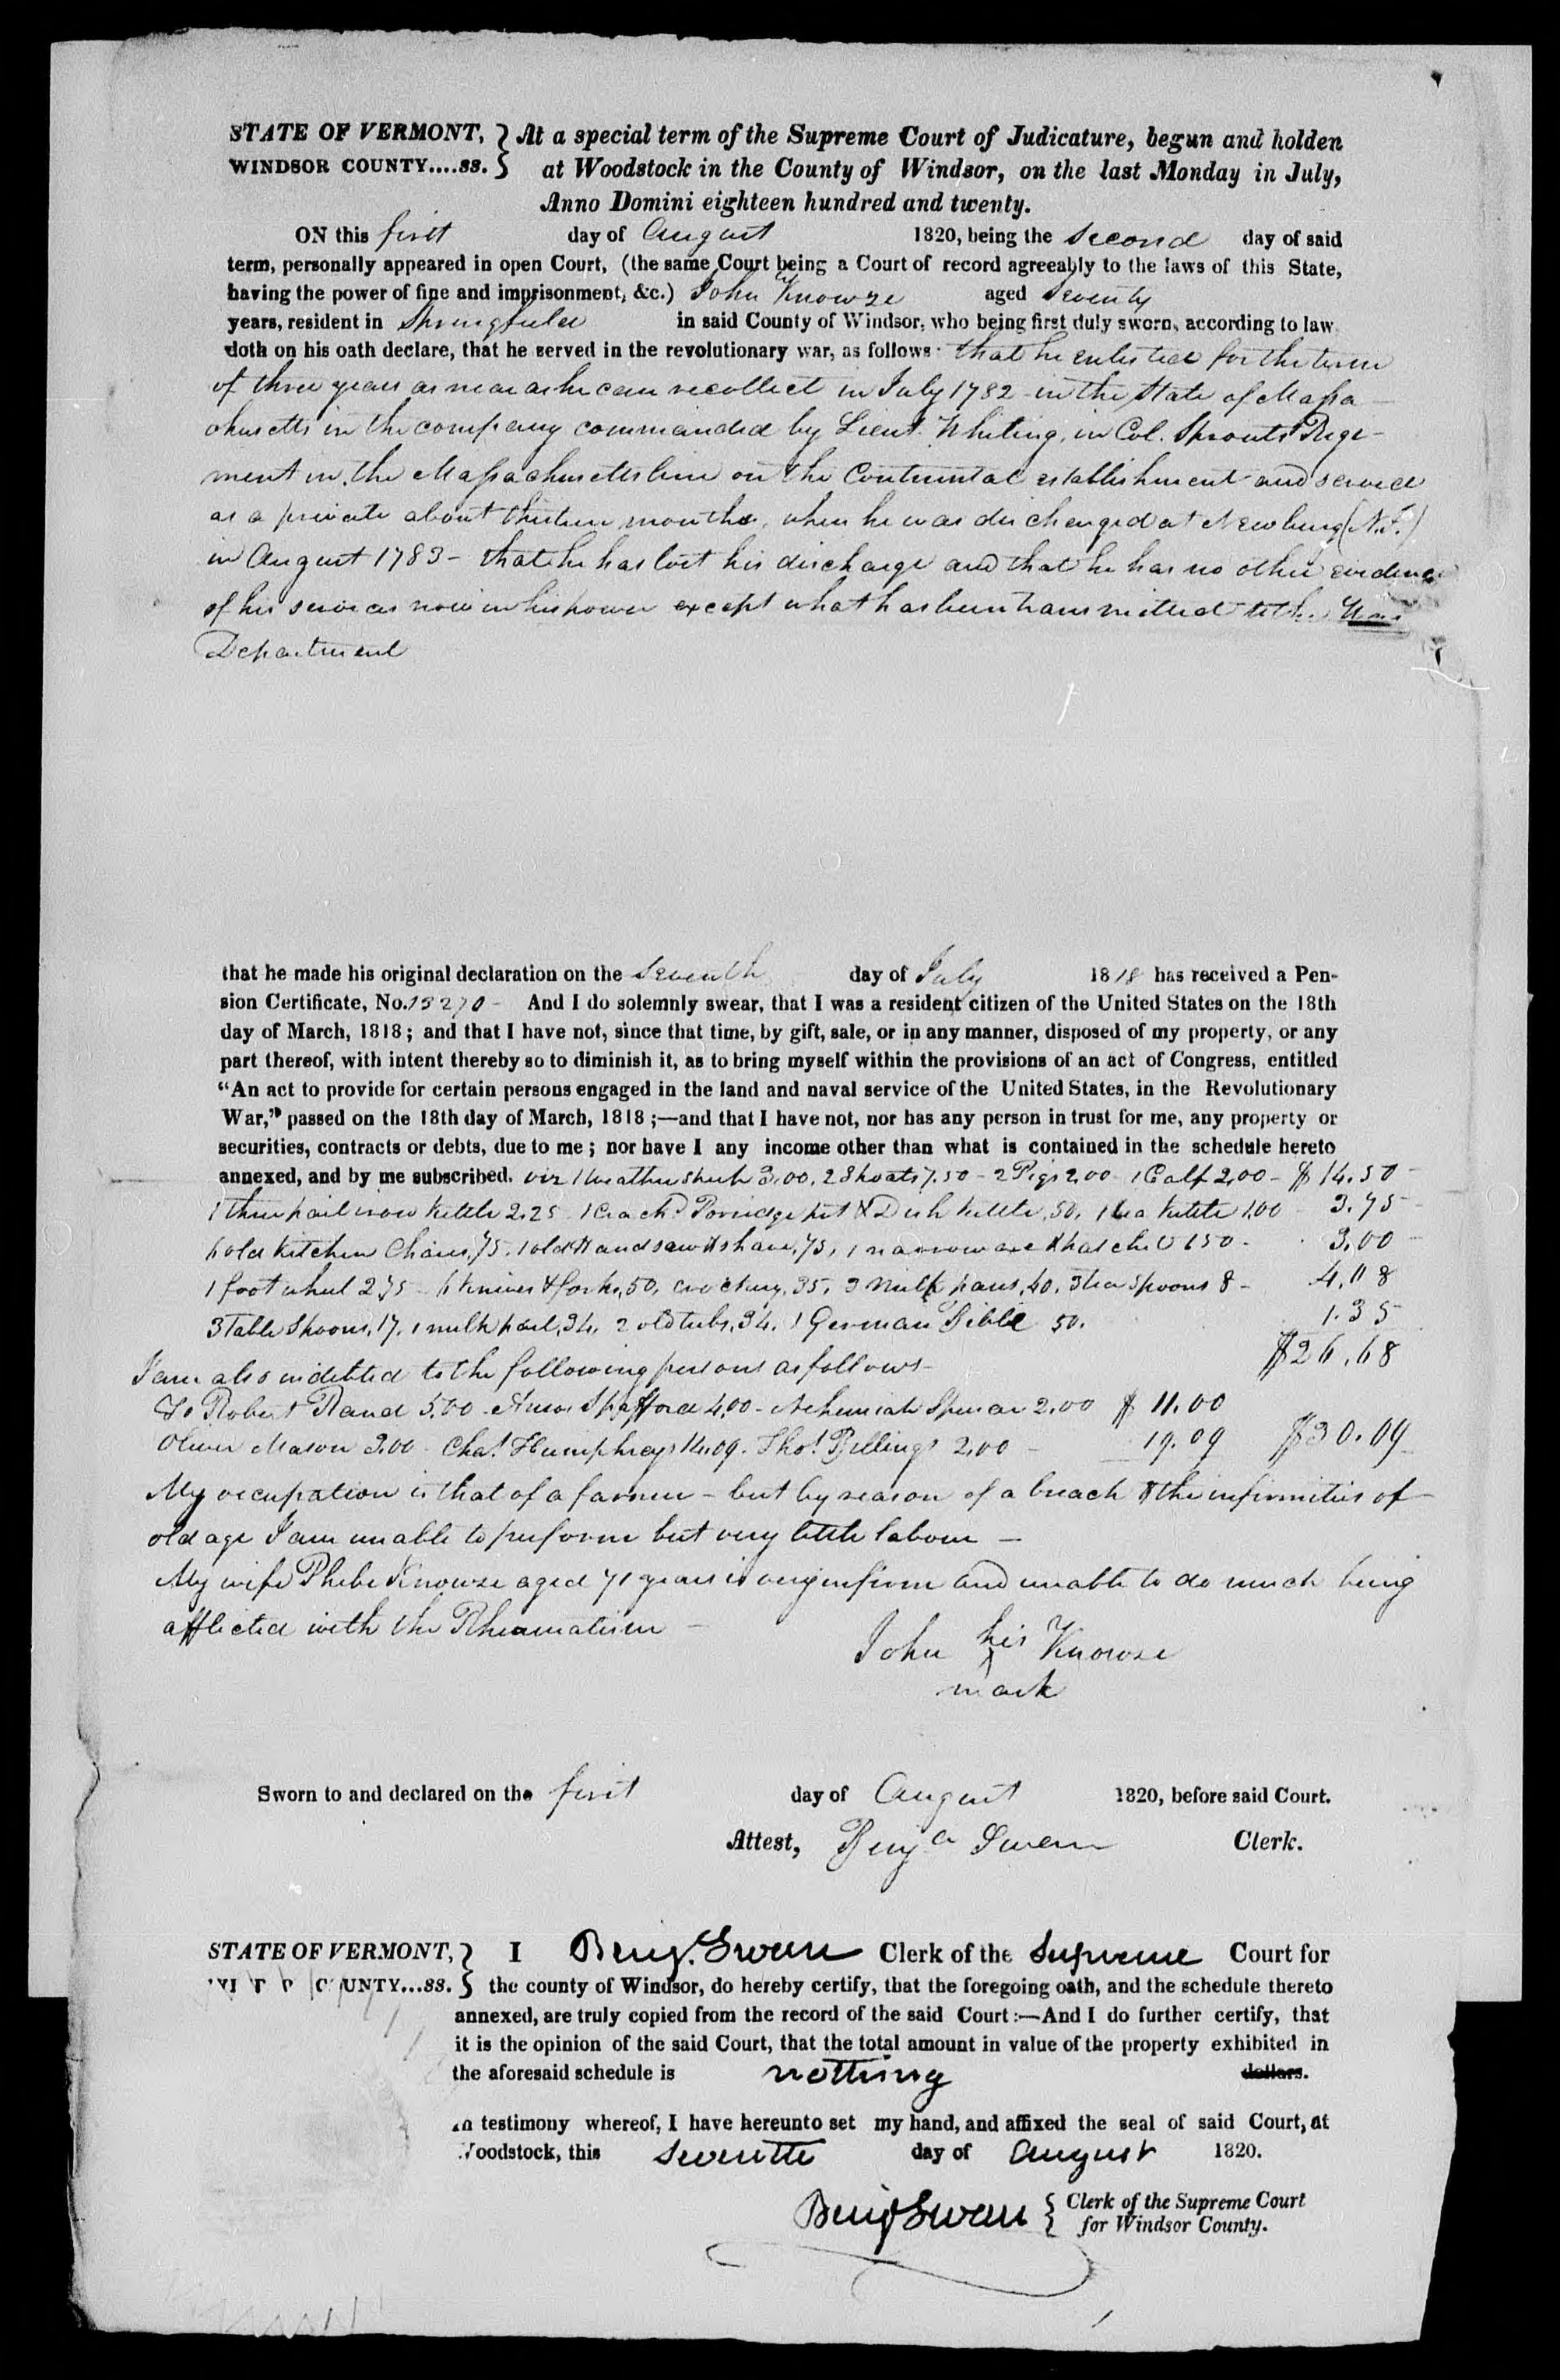STATE OF VERMONT, WINDSOR COUNTY. ss
At a special term of the Supreme Court of Judicature, begun and holden at Woodstock in the County of Windsor, on the last Monday in July, Anno Domini eighteen hundred and twenty. 

On this first day of August 1820, being the second day of said term, personally appeared in open Court, (the same Court being a Court of record agreeably to the laws of this State, having the power of fine and imprisonment, &c. ) John Knowze age seventy years , resident in Springfield in said County of Windsor, who being first duly sworn, according to law doth on his oath declare, that he served in the revolutionary war, as follows 

that he enlisted for the time of three years as near as he can recollect in July 1782 in the State of Massachusetts in the company commanded by Lieut. Whiting, in Col. Sprouts Regiment in the Massachusetts line on the continual establishment and service as a private about thirteen months, when he was discharged at Newburg (N.Y.) in August 1783 - that he has lost his discharge and that he has no other evidence of his services now in his power except what has been transmitted to the Department 

that he made his original declaration on the Seventh day of July 1818 has received a pension Certificate, No. 13270 And I do solemnly swear, that I was a resident citizen of the United States on the 18th day of March, 1818; and that I have not, since that time, by gift, sale, or in any manner, disposed of my property, or any part thereof, with intent thereby so to diminish it, as to bring myself within the provisions of an act of Congress, entitled "An act to provide for certain persons engaged in the land and naval service of the United States, in the Revolutionary War ,” passed on the 18th day of March, 1818; and that I have not, nor has any person in trust for me, any property or securities, contracts or debts, due to me; nor have I any income other than what is contained in the schedule hereto annexed, and by me subscribed,
viz 1 weather sheep 3,00, 2 Shoats 7.50 - 2 Pigs 2,00 Calf 2,00-- $14.50 
1 thin pail iron kettle 2.25 1 Crackd Porridge pot & Dish Kettle .50, 1 Kettle 1.00 3.75 
6 old Kitchen Chairs .75 1 old and saw share .75, 1 harrow and hatchets & fork .50,crockery 35, 3 milk pans, .40, 3 tea Spoons - 4.08 
3 table spoons, 17. milk pail, .24, 2 old tubs, .34. German Bible 50 1.35 
---------
$26.68 

I am also indebted to the following persons as follows To Robert Rand 5,00. Anson Spafford 4.00, Nehemiah Spencer 2.00  $11.00
Oliver Mason 2.00. Chas Humphrey 14.09. Thos Billings 2,00 19.09 
---------
$30. 

My occupation is that of a farmer but by reason of a breach & the infirmities of old age I am unable to perform but very little labour 
My wife Phebe Knows aged 71 years is very infirm and unable to do much being afflicted with the Rheumatism 
John his X mark Knowse 

Sworn to and declared on the first day of August 1820, before said Court. 
Attest Benja Swan Clerk. 

STATE OF VERMONT, [Windsor] County Ss
I Benja Swan Clerk of the Supreme Court for the county of Windsor, do hereby certify, that the foregoing oath, and the schedule thereto annexed, are truly copied from the record of the said Court:--And I do further certify, that it is the opinion of the said Court, that the total amount in value of the property exhibited in the aforesaid schedule is nothing dollars. 
in testimony whereof, I have hereunto set my hand, and affixed the seal of said Court, at Woodstock, this the day of August 1820. 
Benj Swan 
Clerk of the Supreme Court of Windsor County.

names: John Knowze; Oliver Mason; Benja Swan; Chas Humphreys; Phebe Knowze; [BLANK] Spencer; Amos Shafford; Robert Rand; [BLANK] Whiting; Thos Bellings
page: 12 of 12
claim: survivor's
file: S. 40,907, for John Knowze, Massachusetts